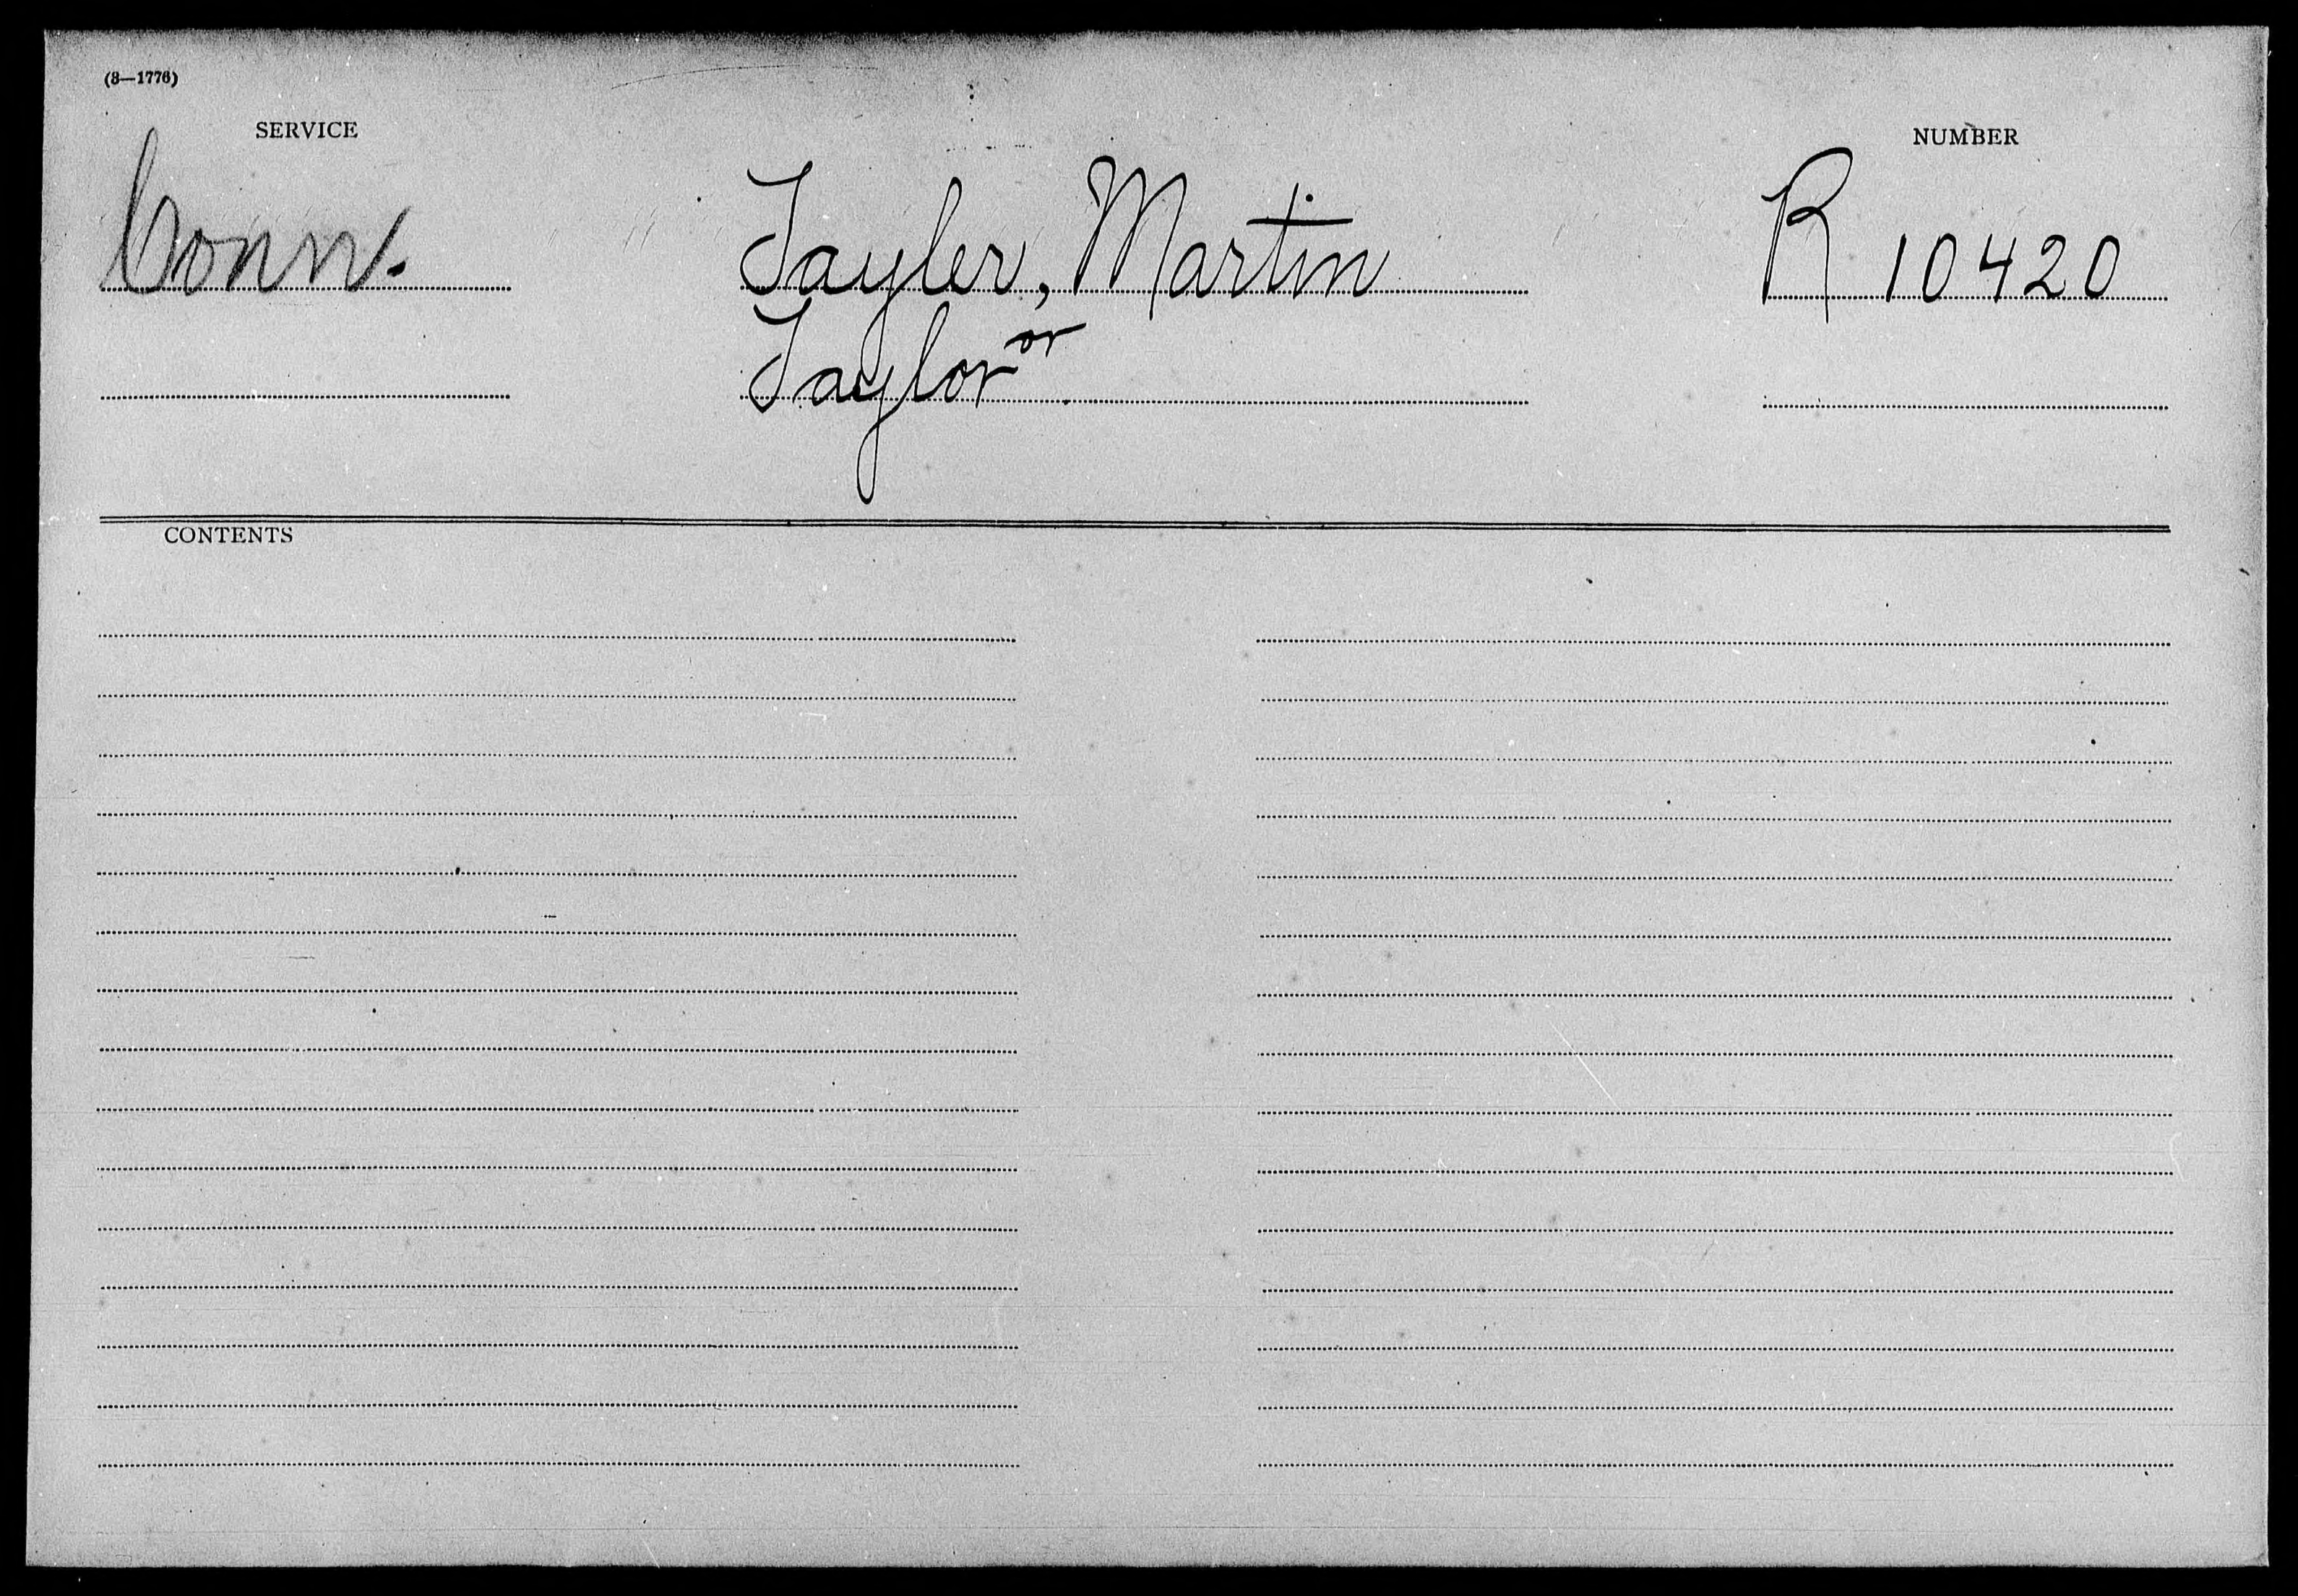(3—1776)
SERVICE
Conn.  T
Tayler, Martin 
or Taylor
NUMBER
R10420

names: Martin Taylor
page: 1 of 13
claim: rejected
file: R 10420, for Martin Tayler, Connecticut